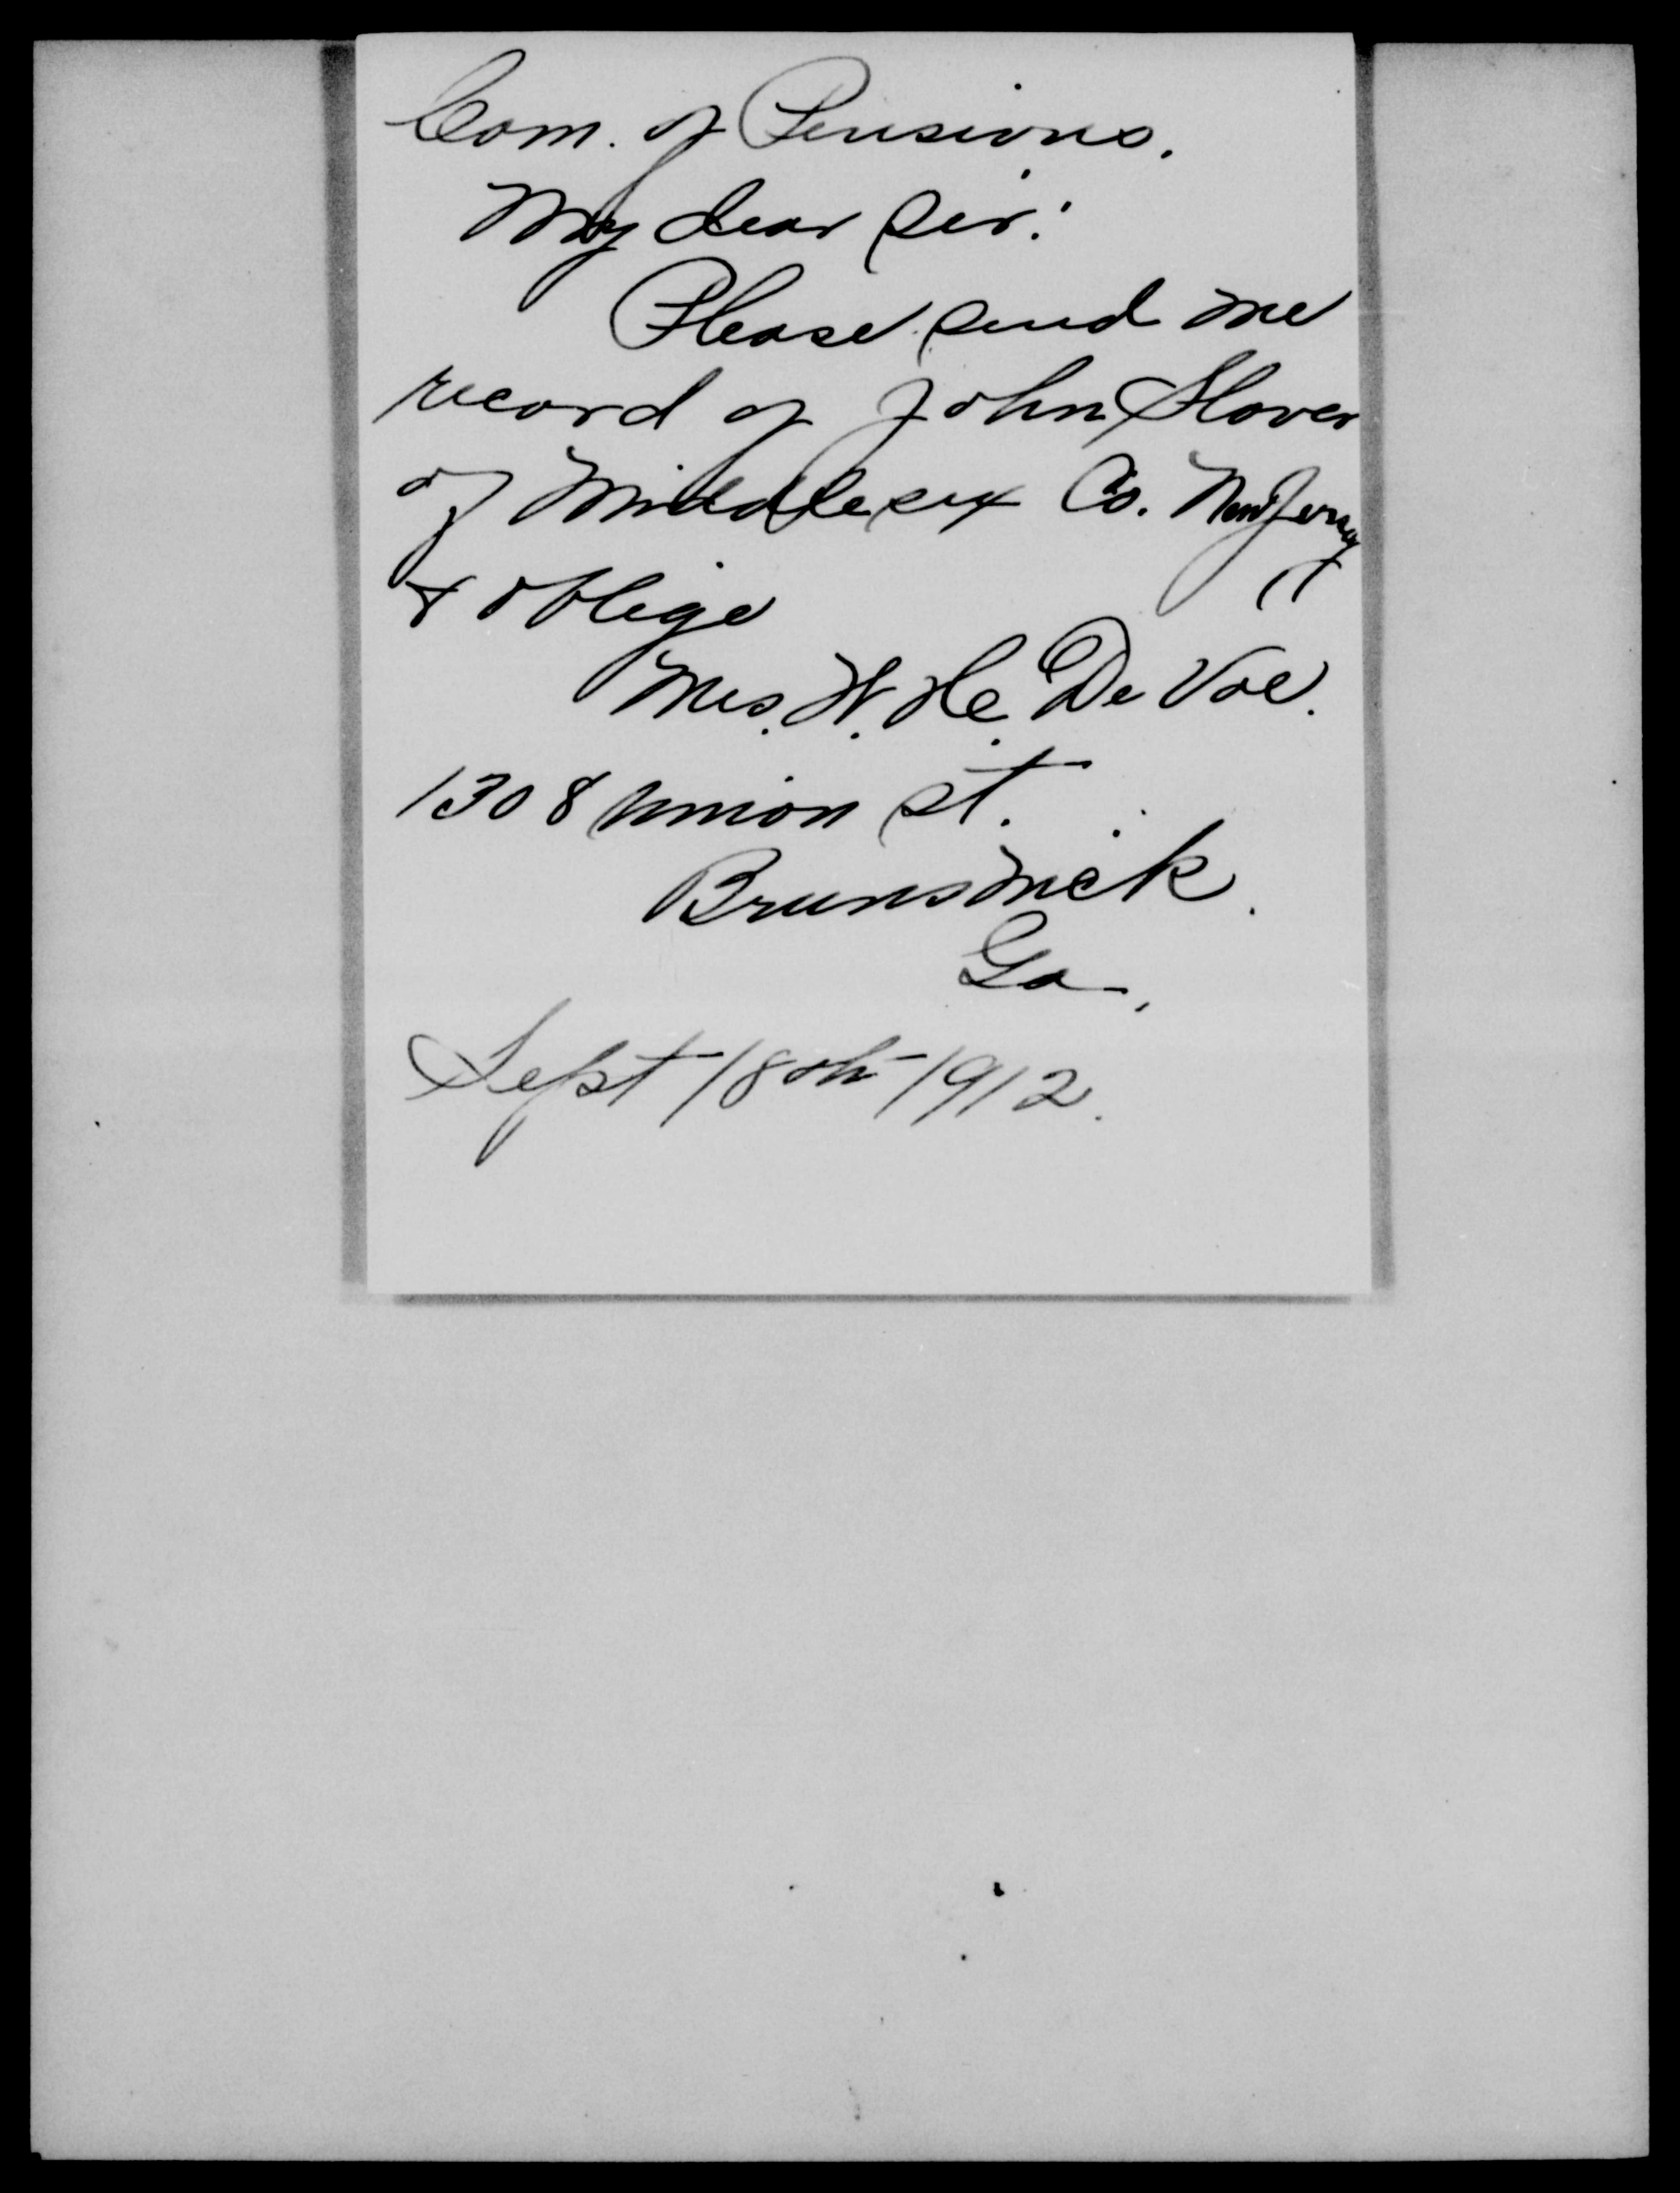Com(missioner) of Pensions

My dear Sir,

Please send me record of John Slover of Middlesex Co., New Jersey & oblige.

Mrs. W.H. Devoe
1308 Union St.
Brunswick, Ga.

Sep. 18th 1912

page: 41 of 46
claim: widow's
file: W. 6205, for John Slover, New Jersey